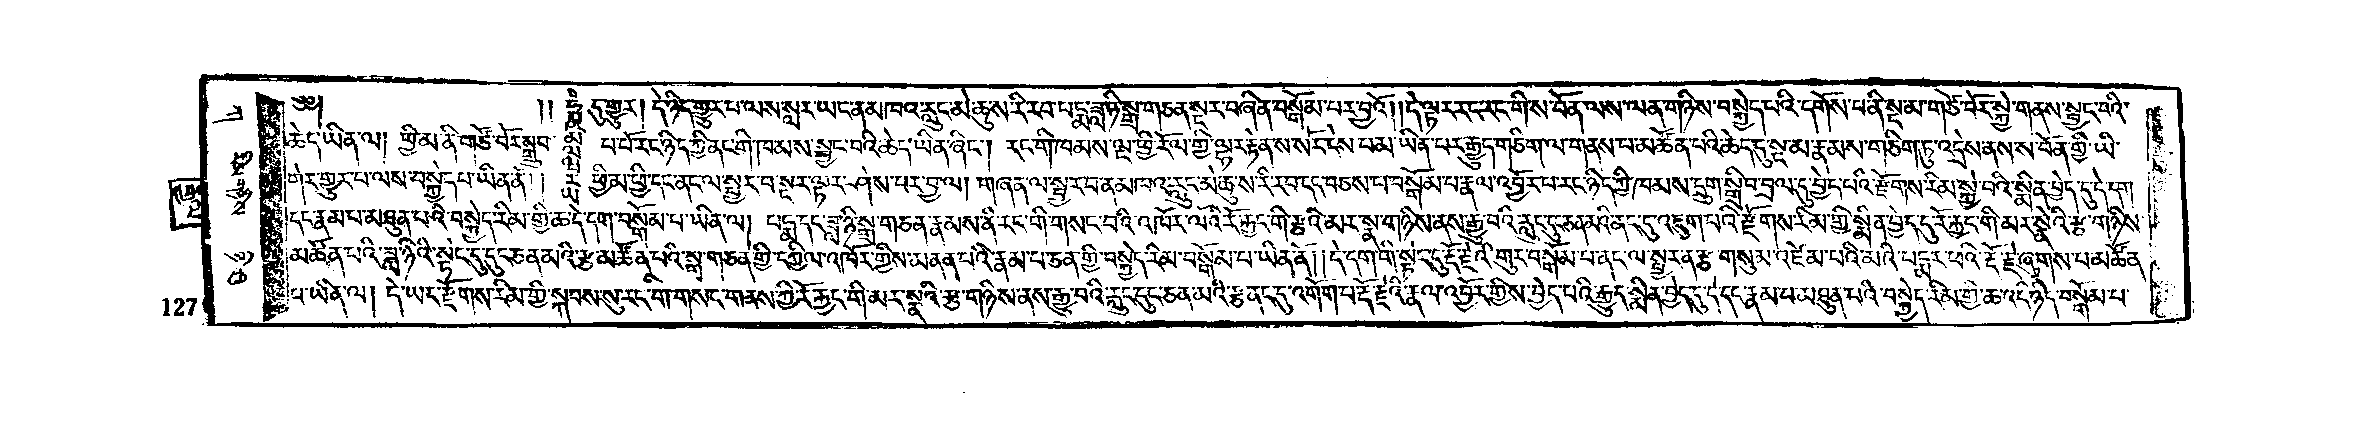༄༅། །ཧཾཀྵམླྭྲྱ?་དུ་གྱུར། དེ་ཉིད་གྱུར་པ་ལས་སླར་ཡང་ནམ་མཁའ་རླུང་མེ་ཆུ་ས་རི་རབ་པདམ་ཟླ་ཉི་སྒྲ་གཅན་སྔར་བཞིན་བསྒོམ་པར་བྱའོ། །དེ་ལྟར་རང་རང་གི་ས་བོན་ལས་ལན་གཉིས་བསྐྱེད་པའི་དགོས་པ་ནི་སྔ་མ་གཙོ་བོར་སྐྱེ་གནས་སྦྱང་བའི་
ཆེད་ཡིན་ལ། ཕྱི་མ་ནི་གཙོ་བོར་སྒྲུབ་པ་པོ་རང་ཉིད་ཀྱི་ནང་གི་ཁམས་སྦྱང་བའི་ཆེད་ཡིན་ཞིང་། རང་གི་ཁམས་ལྔ་ཕྱི་རོལ་གྱི་ལྷར་རྟེན་ས་སོར་ངེས་པ་མ་ཡིན་པར་རྒྱུད་གཅིག་ལ་གནས་པ་མཚོན་པའི་ཆེད་དུ་སྔ་མ་རྣམས་གཅིག་ཏུ་འདྲེས་ནས་ས་བོན་གྱི་ཡི་
གེར་གྱུར་པ་ལས་བསྐྱེད་པ་ཡིན་ནོ། །ཕྱི་མ་ཕྱི་དང་ནང་ལ་སྦྱར་བ་སྔར་ལྟར་ཤེས་པར་བྱ་ལ། གཞན་ལ་སྦྱར་བ་ནམ་མཁའ་རླུང་མེ་ཆུ་ས་རི་རབ་དང་བཅས་པ་བསྒོམ་པ་རྣལ་འབྱོར་པ་རང་ཉིད་ཀྱི་ཁམས་དྲུག་སྒྲིབ་བྲལ་དུ་བྱེད་པའི་རྫོགས་རིམ་སྐྱེ་བའི་སྨིན་བྱེད་དུ་དེ་དག་
དང་རྣམ་པ་མཐུན་པའི་བསྐྱེད་རིམ་གྱི་ཆ་དེ་དག་བསྒོམ་པ་ཡིན་ལ། པདམ་དང་ཟླ་ཉི་སྒྲ་གཅན་རྣམས་ནི་རང་གི་གསང་བའི་འཁོར་ལོའི་རོ་རྐྱང་གི་རྩའི་མར་སྣ་གཉིས་ནས་རྒྱུ་བའི་རླུང་དུ་ཅན་མའི་ནང་དུ་འཇུག་པའི་རྫོགས་རིམ་གྱི་སྨིན་བྱེད་དུ་རོ་རྐྱང་གི་མར་སྣེའི་རྩ་གཉིས་
མཚོན་པའི་ཟླ་ཉིའི་སྟེང་དུ་དུང་ཅན་མའི་རྩ་མཚོན་པའི་སྒྲ་གཅན་གྱི་དཀྱིལ་འཁོར་གྱིས་མནན་པའི་རྣམ་པ་ཅན་གྱི་བསྐྱེད་རིམ་བསྒོམ་པ་ཡིན་ནོ། །དེ་དག་གི་སྟེང་དུ་རྡོ་རྗེའི་གུར་བསྒོམ་པ་ནང་ལ་སྦྱར་ན་རྩ་གསུམ་འཛེམ་པའི་མའི་པདམར་ཕའི་རྡོ་རྗེ་ཞུགས་པ་མཚོན་
པ་ཡིན་ལ། དེ་ཡང་རྫོགས་རིམ་གྱི་སྐབས་སུ་རང་གི་གསང་གནས་ཀྱི་རོ་རྐྱང་གི་མར་སྣའི་རྩ་གཉིས་ནས་རྒྱུ་བའི་རླུང་དུང་ཅན་མའི་རྩ་ནང་དུ་འགོག་པ་རྡོ་རྗེའི་རྣལ་འབྱོར་གྱིས་བྱེད་པའི་རྒྱུད་སྨིན་བྱེད་དུ་དེ་དང་རྣམ་པ་མཐུན་པའི་བསྐྱེད་རིམ་གྱི་ཆ་འདི་ཉིད་བསྒོམ་པ་